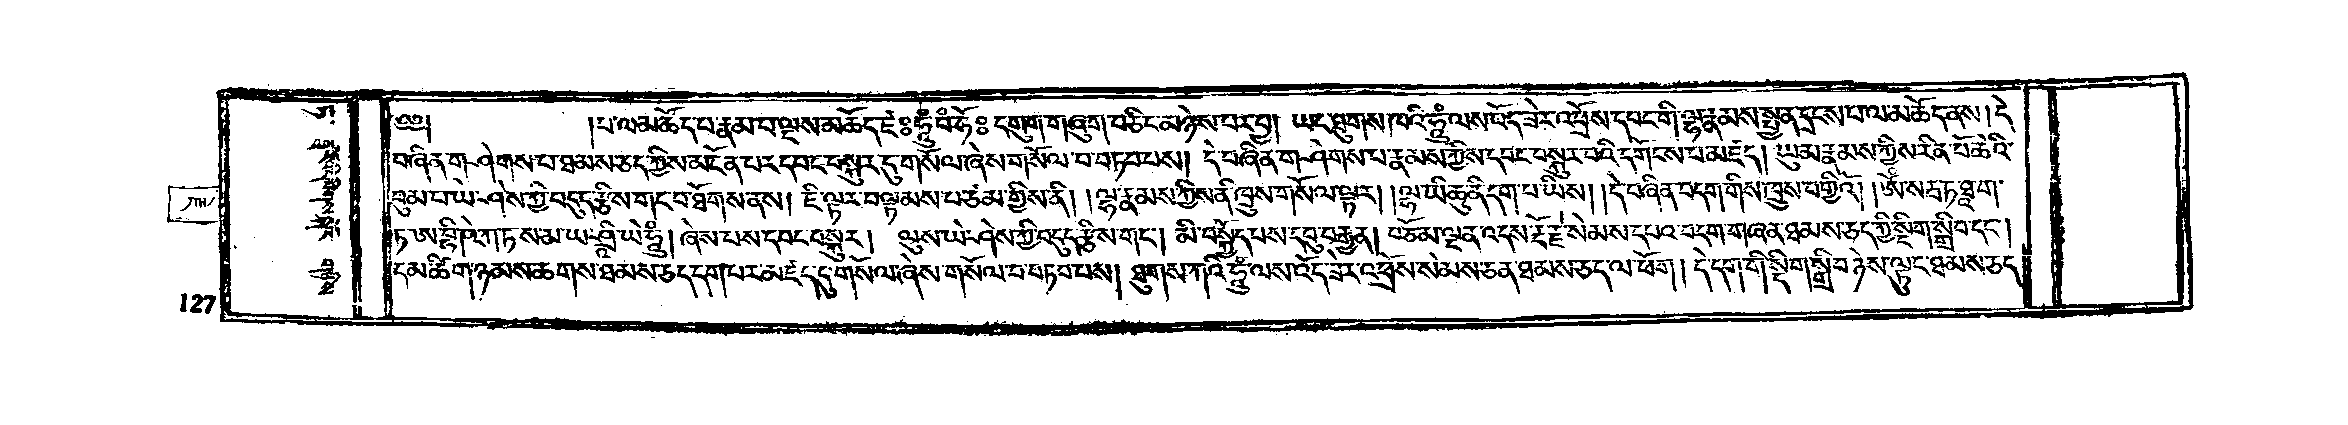༄༅། །པ་ལ་མཆོད་པ་རྣམ་པ་ལྔས་མཆོད་ཛཿ ཧཱུཾ་བཾ་ཧོཿ དགུག་གཞུག་བཅིང་མཉེས་པར་བྱ། ཡང་ཐུགས་ཁའི་ཧཱུཾ་ལས་འོད་ཟེར་འཕྲོས་དབང་གི་ལྷ་རྣམས་སྤྱན་དྲངས་པ་ལ་མཆོད་ནས། དེ་
བཞིན་གཤེགས་པ་ཐམས་ཅད་ཀྱིས་མངོན་པར་དབང་བསྐུར་དུ་གསོལ་ཞེས་གསོལ་བ་བཏབ་པས། དེ་བཞིན་གཤེགས་པ་རྣམས་ཀྱིས་དབང་བསྐུར་བའི་དགོངས་པ་མཛད། ཡུམ་རྣམས་ཀྱིས་རིན་པོ་ཆེའི་
བུམ་པ་ཡེ་ཤེས་ཀྱི་བདུད་རྩིས་གང་བ་ཐོགས་ནས། ཇི་ལྟར་བལྟམས་པ་ཙམ་གྱིས་ནི། །ལྷ་རྣམས་ཀྱིས་ནི་ཁྲུས་གསོལ་ལྟར། །ལྷ་ཡི་ཆུ་ནི་དག་པ་ཡིས། །དེ་བཞིན་བདག་གིས་ཁྲུས་བགྱིའོ། །ཨོཾ་སརྦ་ཏ་ཐཱ་ག་
ཏ་ཨ་བྷི་ཥེ་ཀ་ཏ་ས་མ་ཡ་ཤྲཱི་ཡེ་ཧཱུཾ། ཞེས་པས་དབང་བསྐུར། ལུས་ཡེ་ཤེས་ཀྱི་བདུད་རྩིས་གང་། མི་བསྐྱོད་པས་དབུ་བརྒྱན། བཅོམ་ལྡན་འདས་རྡོ་རྗེ་སེམས་དཔའ་བདག་གཞན་ཐམས་ཅད་ཀྱི་སྡིག་སྒྲིབ་དང་།
དམ་ཚིག་ཉམས་ཆགས་ཐམས་ཅད་དག་པར་མཛད་དུ་གསོལ་ཞེས་གསོལ་བ་བཏབ་པས། ཐུགས་ཀའི་ཧཱུཾ་ལས་འོད་ཟེར་འཕྲོས་སེམས་ཅན་ཐམས་ཅད་ལ་ཕོག །དེ་དག་གི་སྡིག་སྒྲིབ་ཉེས་ལྟུང་ཐམས་ཅད་